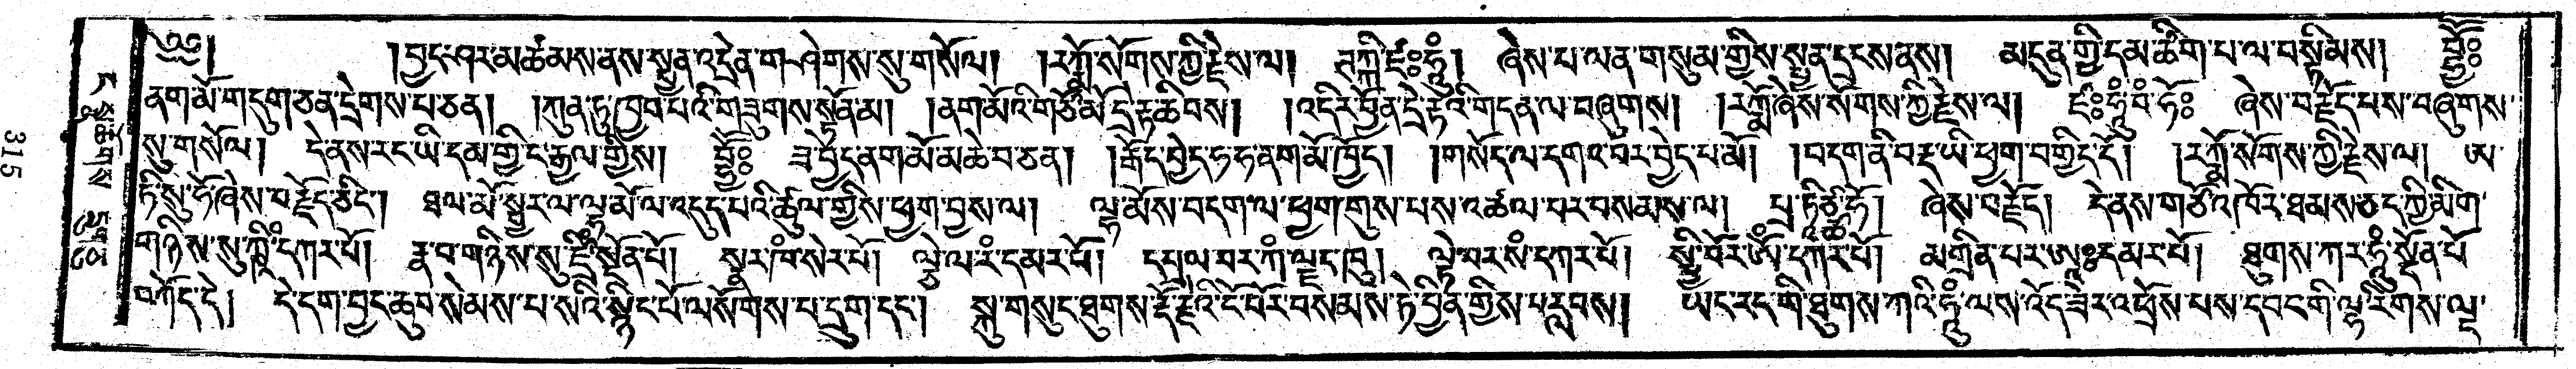༄༅། །བྱང་ཤར་མཚམས་ནས་སྤྱན་འདྲེན་གཤེགས་སུ་གསོལ། །རྐྨོ་སོགས་ཀྱི་རྗེས་ལ། ཊྐྐི་ཛཿ ཧཱུཾ། ཞེས་པ་ལན་གསུམ་གྱིས་སྤྱན་དྲངས་ནས། མདུན་གྱི་དམ་ཚིག་པ་ལ་བསྟིམས། བྷྱཽཿ
ནག་མོ་གདུག་ཅན་དྲེགས་པ་ཅན། །ཀུན་ཏུ་ཁྱབ་པའི་གཟུགས་སྟོན་མ། །ནག་མོའི་གཙོ་མོ་དྲེ་རྟ་ཆིབས། །འདིར་བྱོན་དྲེ་རྟའི་གདན་ལ་བཞུགས། །རྐྨོ་ཞེས་སོགས་ཀྱི་རྗེས་ལ། ཛཿ ཧཱུཾ་བཾ་ཧོཿ ཞེས་བརྗོད་པས་བཞུགས་
སུ་གསོལ། དེ་ནས་རང་ཡི་དམ་གྱི་ང་རྒྱལ་གྱིས། བྷྱཽཿ ཟ་བྱེད་ནག་མོ་མཆེ་བ་ཅན། །རྒོད་བྱེད་ཧ་ཧ་ནག་མོ་ཁྱོད། །གསོད་ལ་དགའ་བར་བྱེད་པ་མོ། །བདག་ནི་བརྡ་ཡི་ཕྱག་བགྱིད་དོ། །རྐྨོ་སོགས་ཀྱི་རྗེས་ལ། ཨ་
ཏི་སུ་ཧོ་ཞེས་བརྗོད་ཅིང་། ཐལ་མོ་སྦྱར་ལ་ལྷ་མོ་ལ་འདུད་པའི་ཚུལ་གྱིས་ཕྱག་བྱས་ལ། ལྷ་མོས་བདག་ལ་ཕྱག་གུས་པས་འཚལ་བར་བསམས་ལ། པྲ་ཏཱིཙྪ་ཧོ། ཞེས་བརྗོད། དེ་ནས་གཙོ་འཁོར་ཐམས་ཅད་ཀྱི་མིག་
གཉིས་སུ་ཀྵིཾ་དཀར་པོ། རྣ་བ་གཉིས་སུ་ཛྲིཾ་སྔོན་པོ། སྣར་ཁཾ་སེར་པོ། ལྕེ་ལ་རཾ་དཀར་པོ། དཔྲལ་བར་ཀཾ་ལྗང་ཁུ། ལྟེ་བར་སཾ་དཀར་པོ། སྤྱི་བོར་ཨོཾ་དཀར་པོ། མགྲིན་པར་ཨཱཿ དམར་པོ། ཐུགས་ཀར་ཧཱུཾ་སྔོན་པོ་
བཀོད་དེ། དེ་དག་བྱང་ཆུབ་སེམས་པ་སའི་སྙིང་པོ་ལ་སོགས་པ་དྲུག་དང་། སྐུ་གསུང་ཐུགས་རྡོ་རྗེའི་ངོ་བོར་བསམས་ཏེ་བྱིན་གྱིས་བརླབས། ཡང་རང་གི་ཐུགས་ཀའི་ཧཱུཾ་ལས་འོད་ཟེར་འཕྲོས་པས་དབང་གི་ལྷ་རིགས་ལྔ་